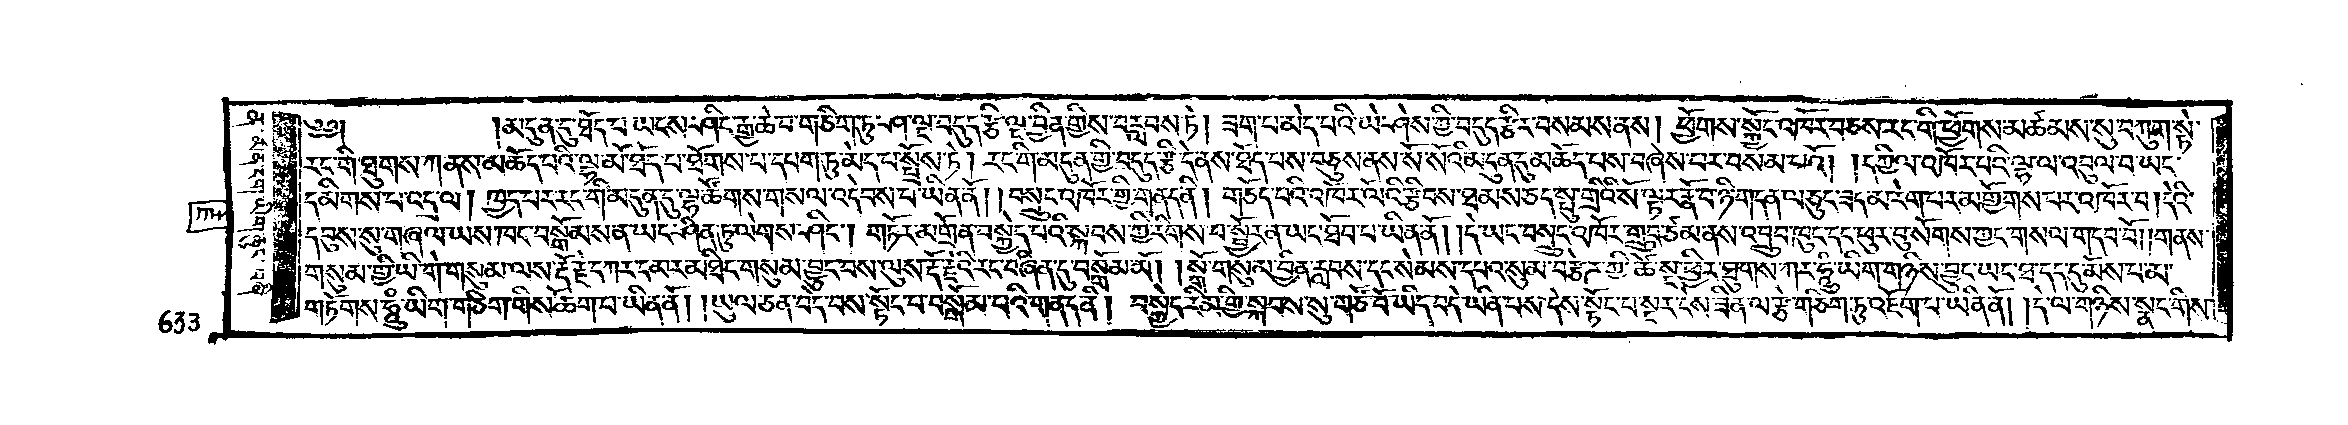༄༅། །མདུན་དུ་ཐོང་པ་ཡངས་ཤིང་རྒྱ་ཆེ་བ་གཅིག་ཏུ་ཤ་ལྔ་བདུད་རྩི་ལྔ་བྱིན་གྱིས་བརླབས་ཏེ། ཟག་པ་མེད་པའི་ཡེ་ཤེས་ཀྱི་བདུད་རྩིར་བསམས་ནས། ཕྱོགས་སྐྱོང་འཁོར་བཅས་རང་གི་ཕྱོགས་མཚམས་སུ་བཀུག་སྟེ་
རང་གི་ཐུགས་ཀ་ནས་མཆོད་པའི་ལྷ་མོ་ཐོད་པ་ཐོགས་པ་དཔག་ཏུ་མེད་པ་སྤྲོས་ཏེ། རང་གི་མདུན་གྱི་བདུད་རྩི་དེ་ནས་ཐོད་པས་བཅུས་ནས་སོ་སོའི་མདུན་དུ་མཆོད་པས་བཞེས་པར་བསམ་པའོ། །དཀྱིལ་འཁོར་བའི་ལྷ་ལ་འབུལ་བ་ཡང་
དམིགས་པ་འདྲ་ལ། ཁྱད་པར་རང་གི་མདུན་དུ་ལྷ་ཚོགས་གསལ་འདེབས་པ་ཡིན་ནོ། །བསྲུང་འཁོར་གྱི་གནད་ནི། གཅོད་པའི་འཁོར་ལོའི་རྩིབས་ཐམས་ཅད་སྤུ་གྲིའི་སོ་ལྟར་རྣོ་བ་ཉི་གདན་ལ་ཅུང་ཟད་མ་རེག་པར་མགྱོགས་པར་འཁོར་བ། དེའི་
དབུས་སུ་གཞལ་ཡས་ཁང་བསྒོམས་ན་ཡང་ཤིན་ཏུ་ལེགས་ཤིང་། གཏོར་མགྲོན་བསྐྱེད་པའི་སྐབས་ཀྱི་རིགས་པ་སྦྱོར་ན་ཡང་ཐོབ་པ་ཡིན་ནོ། །དེ་ཡང་བསྲུང་འཁོར་གྲུབ་ཙམ་ནས་འབྲུབ་ཁུང་དང་ཕུར་བུ་སོགས་ཀྱང་གསལ་གདབ་བོ། །གནས་
གསུམ་གྱི་ཡི་གེ་གསུམ་ལས་རྡོ་རྗེ་དཀར་དམར་མཐིང་གསུམ་བྱུང་བས་ལུས་རྡོ་རྗེའི་རང་བཞིན་དུ་བསྒོམ་མོ། །སྒོ་གསུམ་བྱིན་རླབས་དང་སེམས་དཔའ་སུམ་བརྩེགས་ཀྱི་ཚེ་སྔ་ཕྱིར་ཐུགས་ཀར་ཧཱུཾ་ཡིག་གཉིས་བྱུང་ཡང་ཐ་དད་དུ་མོས་པ་མ་
གཏོགས་ཧཱུཾ་ཡིག་གཅིག་གིས་ཆོག་པ་ཡིན་ནོ། །ཡུལ་ཅན་བདེ་བས་སྟོང་པ་བསྒོམ་པའི་གནད་ནི། བསྐྱེད་རིམ་གྱི་སྐབས་སུ་གཙོ་བོ་ཡིད་བདེ་ཡིན་པས་དེས་སྟོང་པ་སྔར་ངེས་ཟིན་ལ་རྩེ་གཅིག་ཏུ་འཇོག་པ་ཡིན་ནོ། །དེ་ལ་གཉིས་སྣང་གིས་